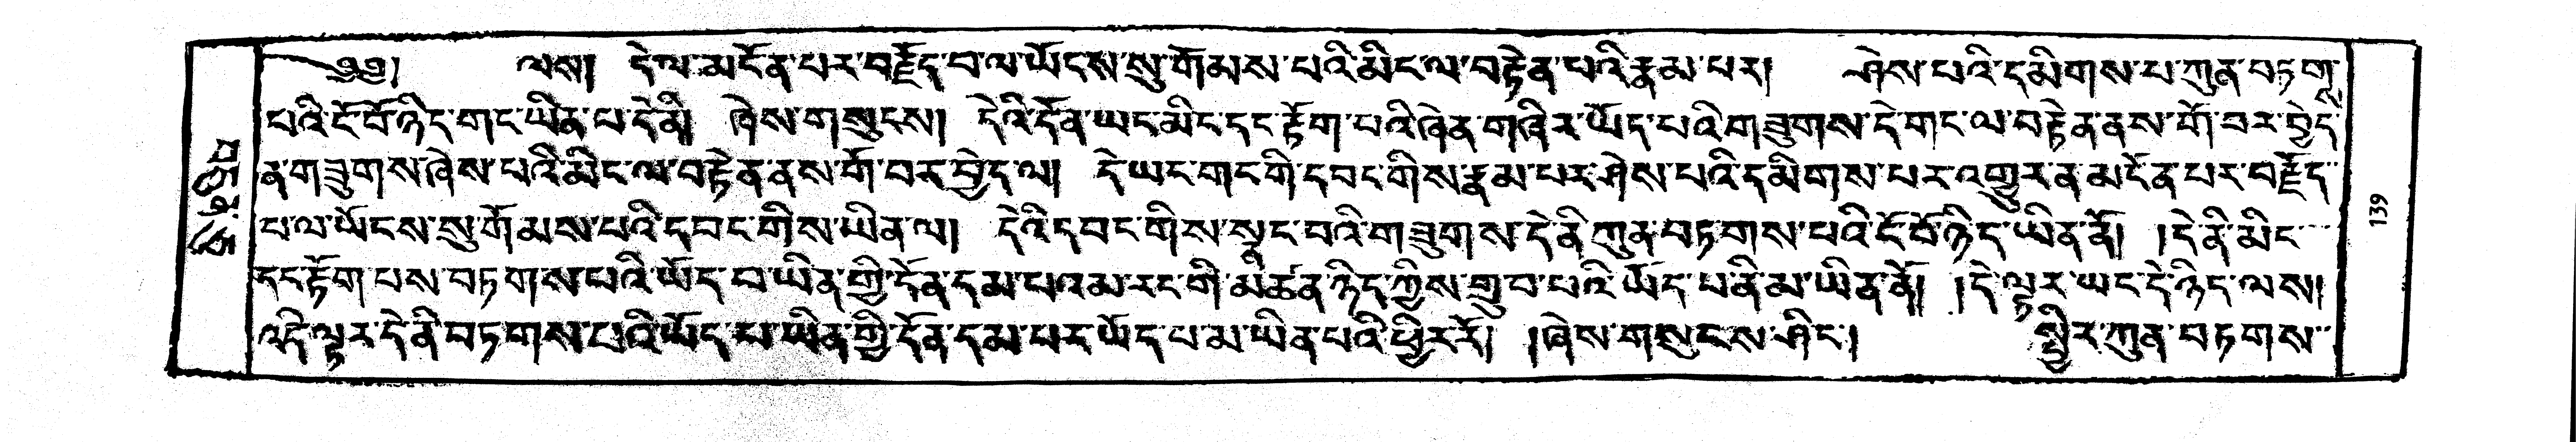༄༅། །ལས། དེ་ལ་མངོན་པར་བརྗོད་པ་ལ་ཡོངས་སུ་གོམས་པའི་མིང་ལ་བརྟེན་པའི་རྣམ་པར། ཤེས་པའི་དམིགས་པ་ཀུན་བཏགས་པའི་ངོ་བོ་ཉིད་གང་ཡིན་པ་དེ་ནི། ཞེས་གསུངས། དེའི་དོན་ཡང་མིང་དང་རྟོག་པའི་ཞེན་གཞིར་ཡོད་པའི་གཟུགས་དེ་གང་ལ་བརྟེན་ནས་གོ་བར་བྱེད་
ན་གཟུགས་ཞེས་པའི་མིང་ལ་བརྟེན་ནས་གོ་བར་བྱེད་ལ། དེ་ཡང་གང་གི་དབང་གིས་རྣམ་པར་ཤེས་པའི་དམིགས་པར་འགྱུར་ན་མངོན་པར་བརྗོད་
པ་ལ་ཡོངས་སུ་གོམས་པའི་དབང་གིས་ཡིན་ལ། དེའི་དབང་གིས་སྣང་བའི་གཟུགས་དེ་ནི་ཀུན་བཏགས་པའི་ངོ་བོ་ཉིད་ཡིན་ནོ། །དེ་ནི་མིང་
དང་རྟོག་པས་བཏགས་པའི་ཡོད་པ་ཡིན་གྱི་དོན་དམ་པའམ་རང་གི་མཚན་ཉིད་ཀྱིས་གྲུབ་པའི་ཡོད་པ་ནི་མ་ཡིན་ནོ། །དེ་ལྟར་ཡང་དེ་ཉིད་ལས།
འདི་ལྟར་དེ་ནི་བཏགས་པའི་ཡོད་པ་ཡིན་གྱི་དོན་དམ་པར་ཡོད་པ་མ་ཡིན་པའི་ཕྱིར་རོ། །ཞེས་གསུངས་ཤིང་། སྤྱིར་ཀུན་བཏགས་